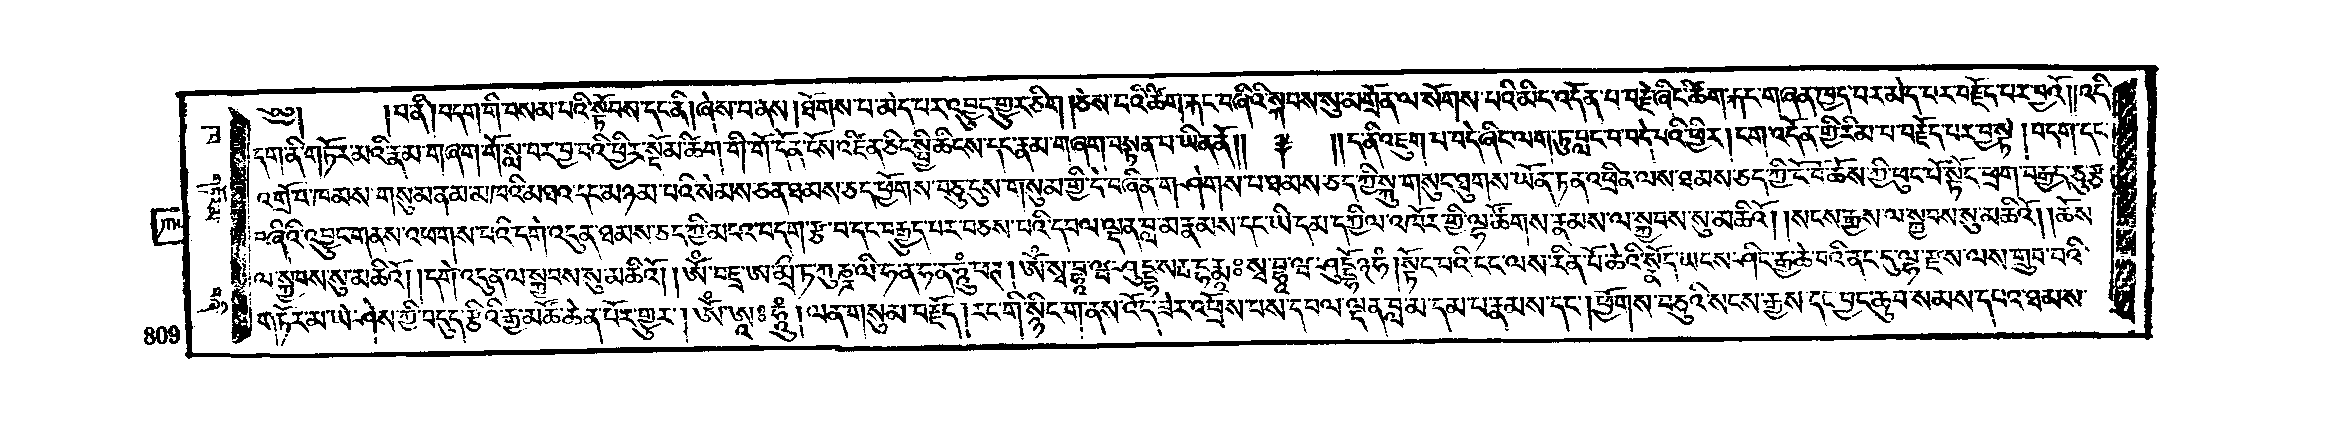༄༅། །པ་ནི། བདག་གི་བསམ་པའི་སྟོབས་དང་ནི། ཞེས་པ་ནས། ཐོགས་པ་མེད་པར་འབྱུང་གྱུར་ཅིག །ཅེས་པའི་ཚིག་རྐང་བཞིའི་སྐབས་སུ་མགྲོན་ལ་སོགས་པའི་མིང་འདོན་པ་བརྗེ་ཞིང་ཚིག་རྐང་གཞན་ཁྱད་པར་མེད་པར་བརྗོད་པར་བྱའོ། །འདི་
དག་ནི་གཏོར་མའི་རྣམ་གཞག་གོ་སླ་བར་བྱ་བའི་ཕྱིར་སྡོམ་ཚིག་གི་གོ་དོན་ངོས་འཛིན་ཅིང་སྤྱི་ཚིངས་དང་རྣམ་གཞག་བསྟན་པ་ཡིན་ནོ།། ༈ །།ད་ནི་འཇུག་པ་བདེ་ཞིང་ལག་ཏུ་བླང་བ་བདེ་པའི་ཕྱིར། ངག་འདོན་གྱི་རམ་པ་བརྗོད་པར་བྱ་སྟེ། བདག་དང་
འགྲོ་བ་ཁམས་གསུམ་ནམ་མཁའི་མཐའ་དང་མཉམ་པའི་སེམས་ཅན་ཐམས་ཅད་ཕྱོགས་བཅུ་དུས་གསུམ་གྱི་དེ་བཞིན་གཤེགས་པ་ཐམས་ཅད་ཀྱི་སྐུ་གསུང་ཐུགས་ཡོན་ཏན་འཕྲིན་ལས་ཐམས་ཅད་ཀྱི་ངོ་བོ་ཆོས་ཀྱི་ཕུང་པོ་སྟོང་ཕྲག་བརྒྱད་ཅུ་རྩ་
བཞིའི་འབྱུང་གནས་འཕགས་པའི་དགེ་འདུན་ཐམས་ཅད་ཀྱི་མངའ་བདག་རྩ་བ་དང་བརྒྱུད་པར་བཅས་པའི་དཔལ་ལྡན་བླ་མ་རྣམས་དང་ཡི་དམ་དཀྱིལ་འཁོར་གྱི་ལྷ་ཚོགས་རྣམས་ལ་སྐྱབས་སུ་མཆིའོ། །སངས་རྒྱས་ལ་སྐྱབས་སུ་མཆིའོ། །ཆོས་
ལ་སྐྱབས་སུ་མཆིའོ། །དགེ་འདུན་ལ་སྐྱབས་སུ་མཆིའོ། །ཨོཾ་བཛྲ་ཨ་མྲྀ་ཏ་ཀུཎྜ་ལི་ཧ་ན་ཧ་ན་ཧཱུཾ་ཕཊ། ཨོཾ་སྭ་བྷཱ་ཝ་ཤུདྡྷ་སརྦ་དྷརྨཱཿ སྭ་བྷཱ་ཝ་ཤུདྡྷོཉ་ཧཾ། སྟོང་པའི་ངང་ལས་རིན་པོ་ཆེའི་སྣོད་ཡངས་ཤིང་རྒྱ་ཆེ་བའི་ནང་དུ་ལྷ་རྫས་ལས་གྲུབ་པའི་
གཏོར་མ་ཡེ་ཤེས་ཀྱི་བདུད་རྩིའི་རྒྱ་མཚོ་ཆེན་པོར་གྱུར། ཨོཾ་ཨཱཿ ཧཱུཾ། ལན་གསུམ་བརྗོད། རང་གི་སྙིང་ག་ནས་འོད་ཟེར་འཕྲོས་པས་དཔལ་ལྡན་བླ་མ་དམ་པ་རྣམས་དང་། ཕྱོགས་བཅུའི་སངས་རྒྱས་དང་བྱང་ཆུབ་སེམས་དཔའ་ཐམས་